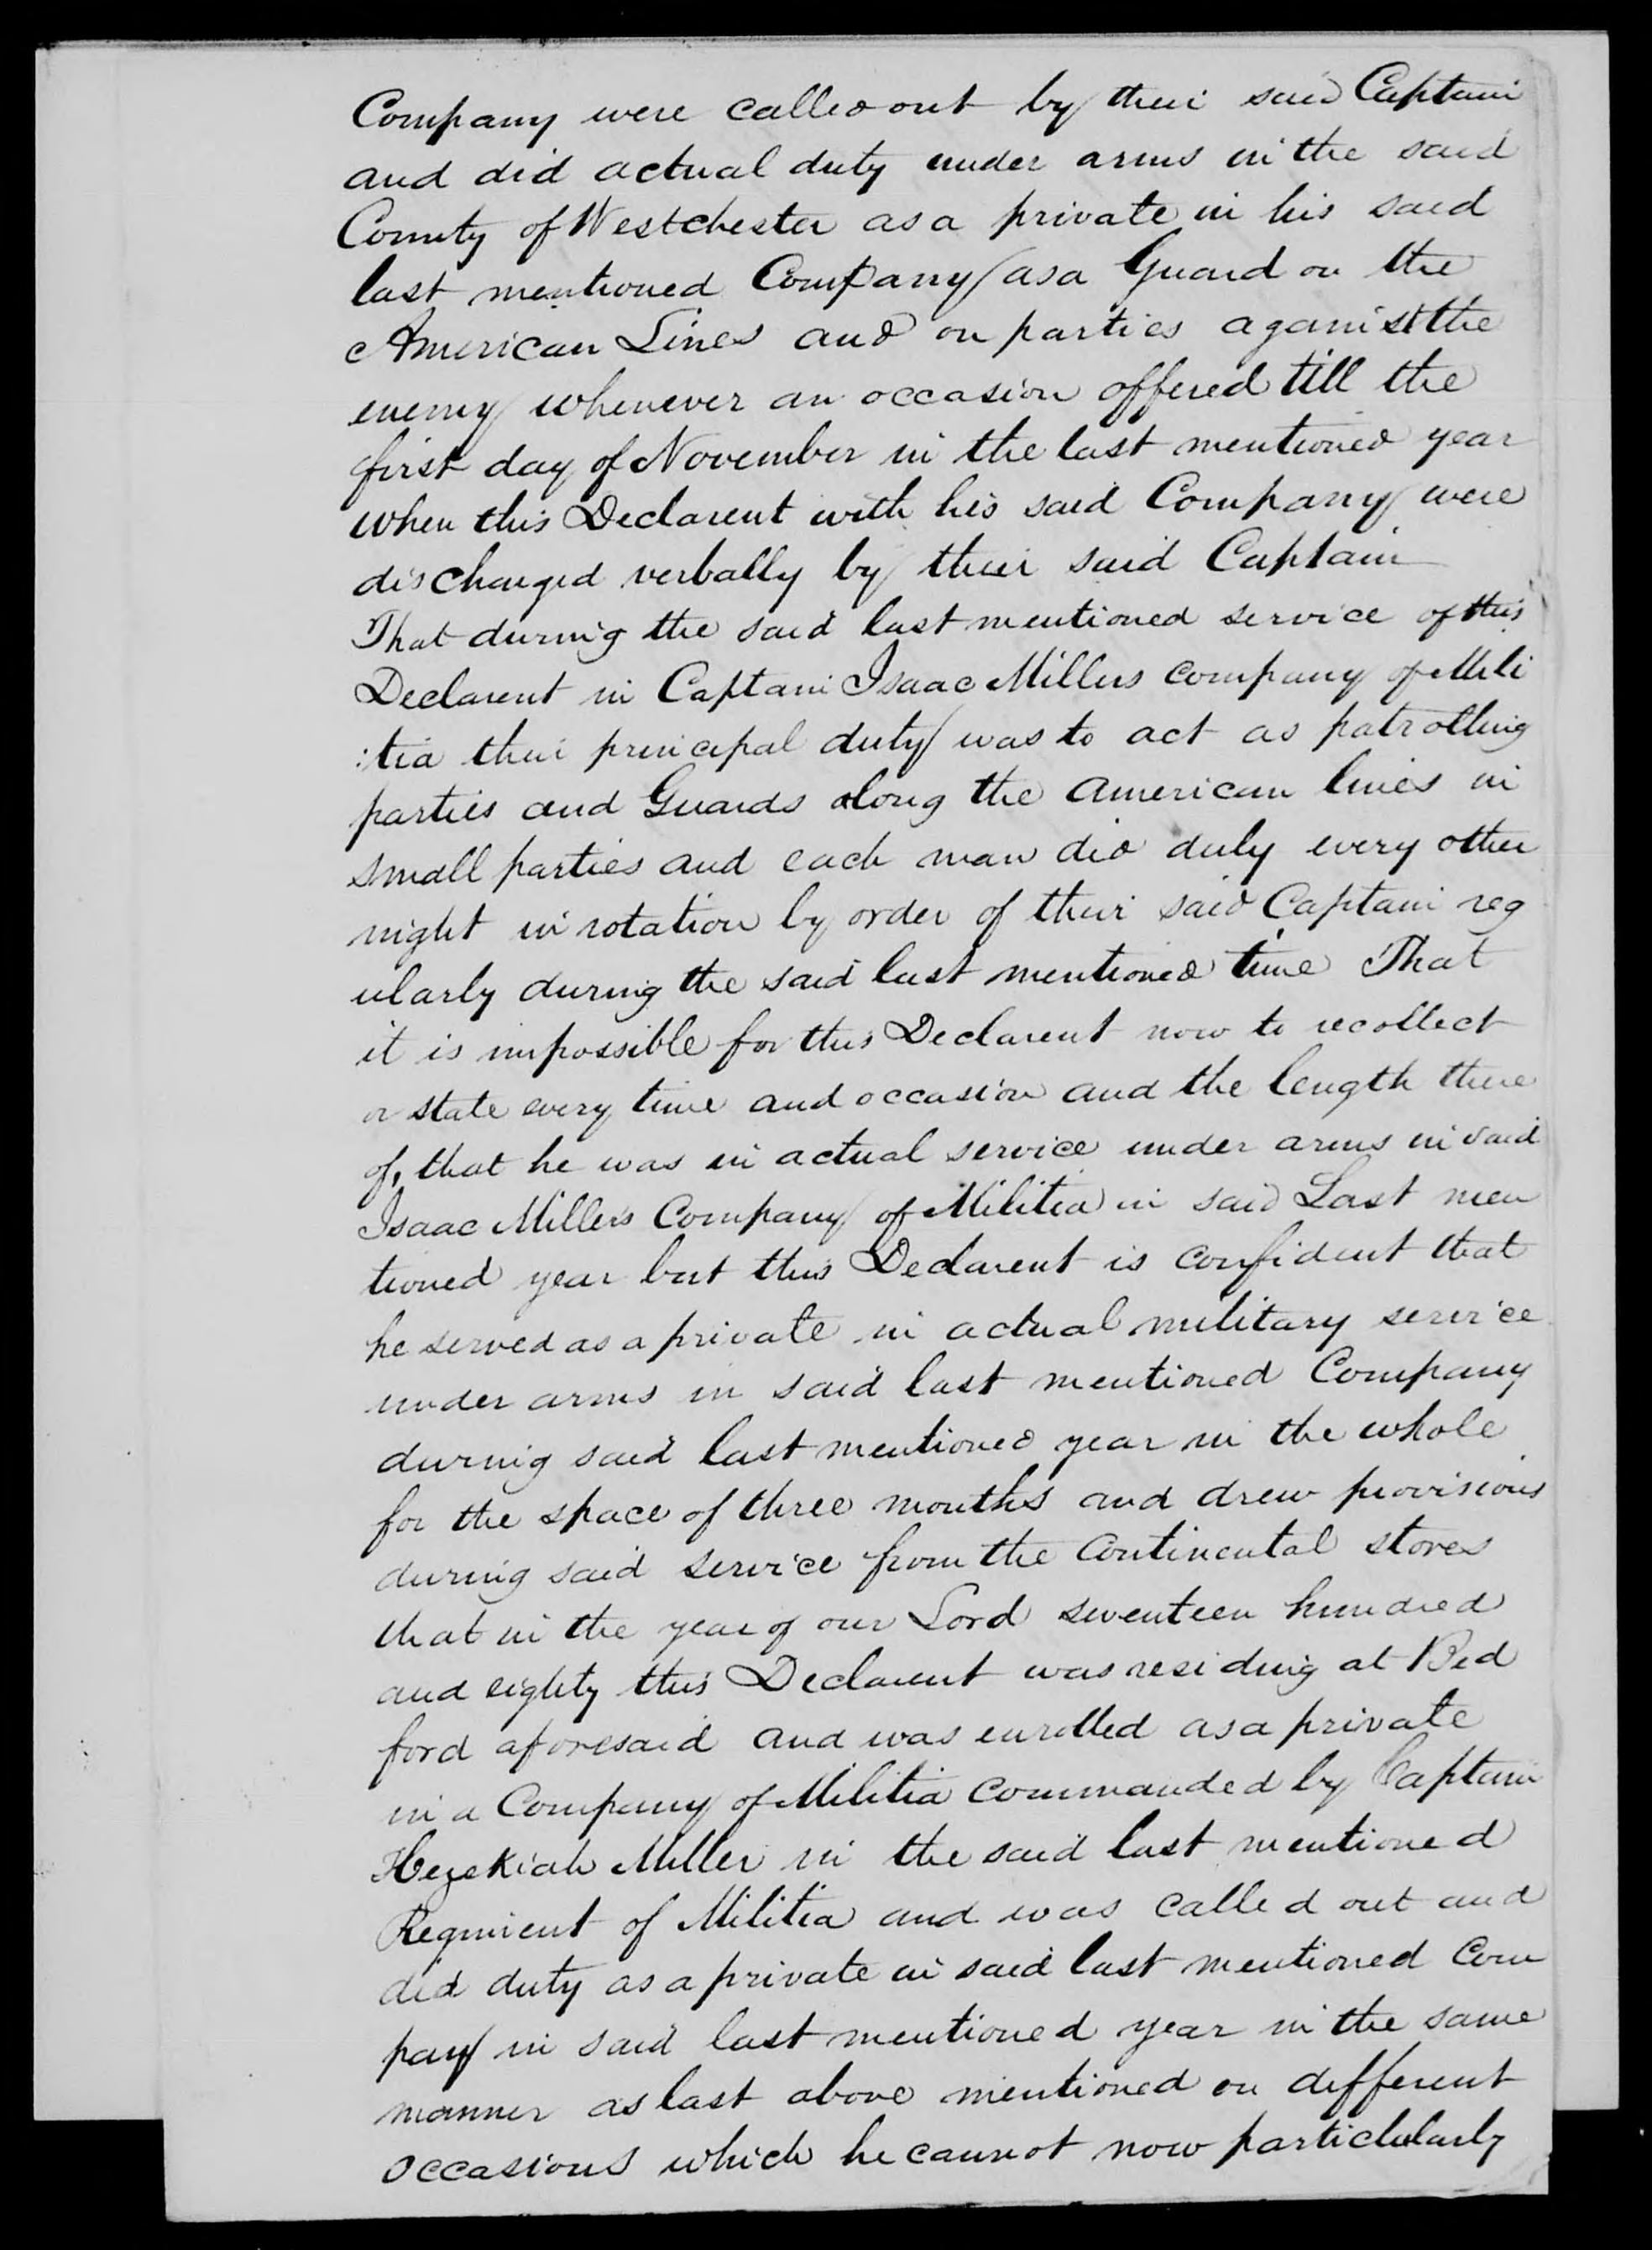Company were called out by their said Captain and did actual duty under arms in the said County of Westchester as a private in his said last mentioned Company as a Guard on the American Lines and on parties against the enemy whenever an occasion offered till the first day of November in the last mentioned year when this Declarent with his said Company were discharged verbally by their said Captain 
That during the said last mentioned service of this Declarent in Captain Isaac Millers Company of Militia their principal duty was to act as patrolling parties and Guards along the American lines in small parties and each man did duty every other night in rotation by order of their said Captain regularly during the said last mentioned time That it is impossible for this Declarant now to recollect or state every time and occasion and the length thereof that he was in actual service under arms in said Isaac Miller's Company of Militia in said Last mentioned year but this Declarent is confident that he served as a private in actual military service under arms in said last mentioned Company during said last mentioned year in the whole for the space of three months and drew provisions during said service from the Continental stores that in the year of our Lord seventeen hundred and eighty this Declarent was residing at Bedford aforesaid and was enrolled as a private in a Company of Militia commanded by Captain Hezekiah Miller in the said last mentioned Regiment of Militia and was called out and did duty as a private in said last mentioned Company in said last mentioned year in the same manner as last above mentioned on different occasions which he cannot now particularly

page: 7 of 33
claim: rejected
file: R. 7,063, for Elisha B Maynard, New York